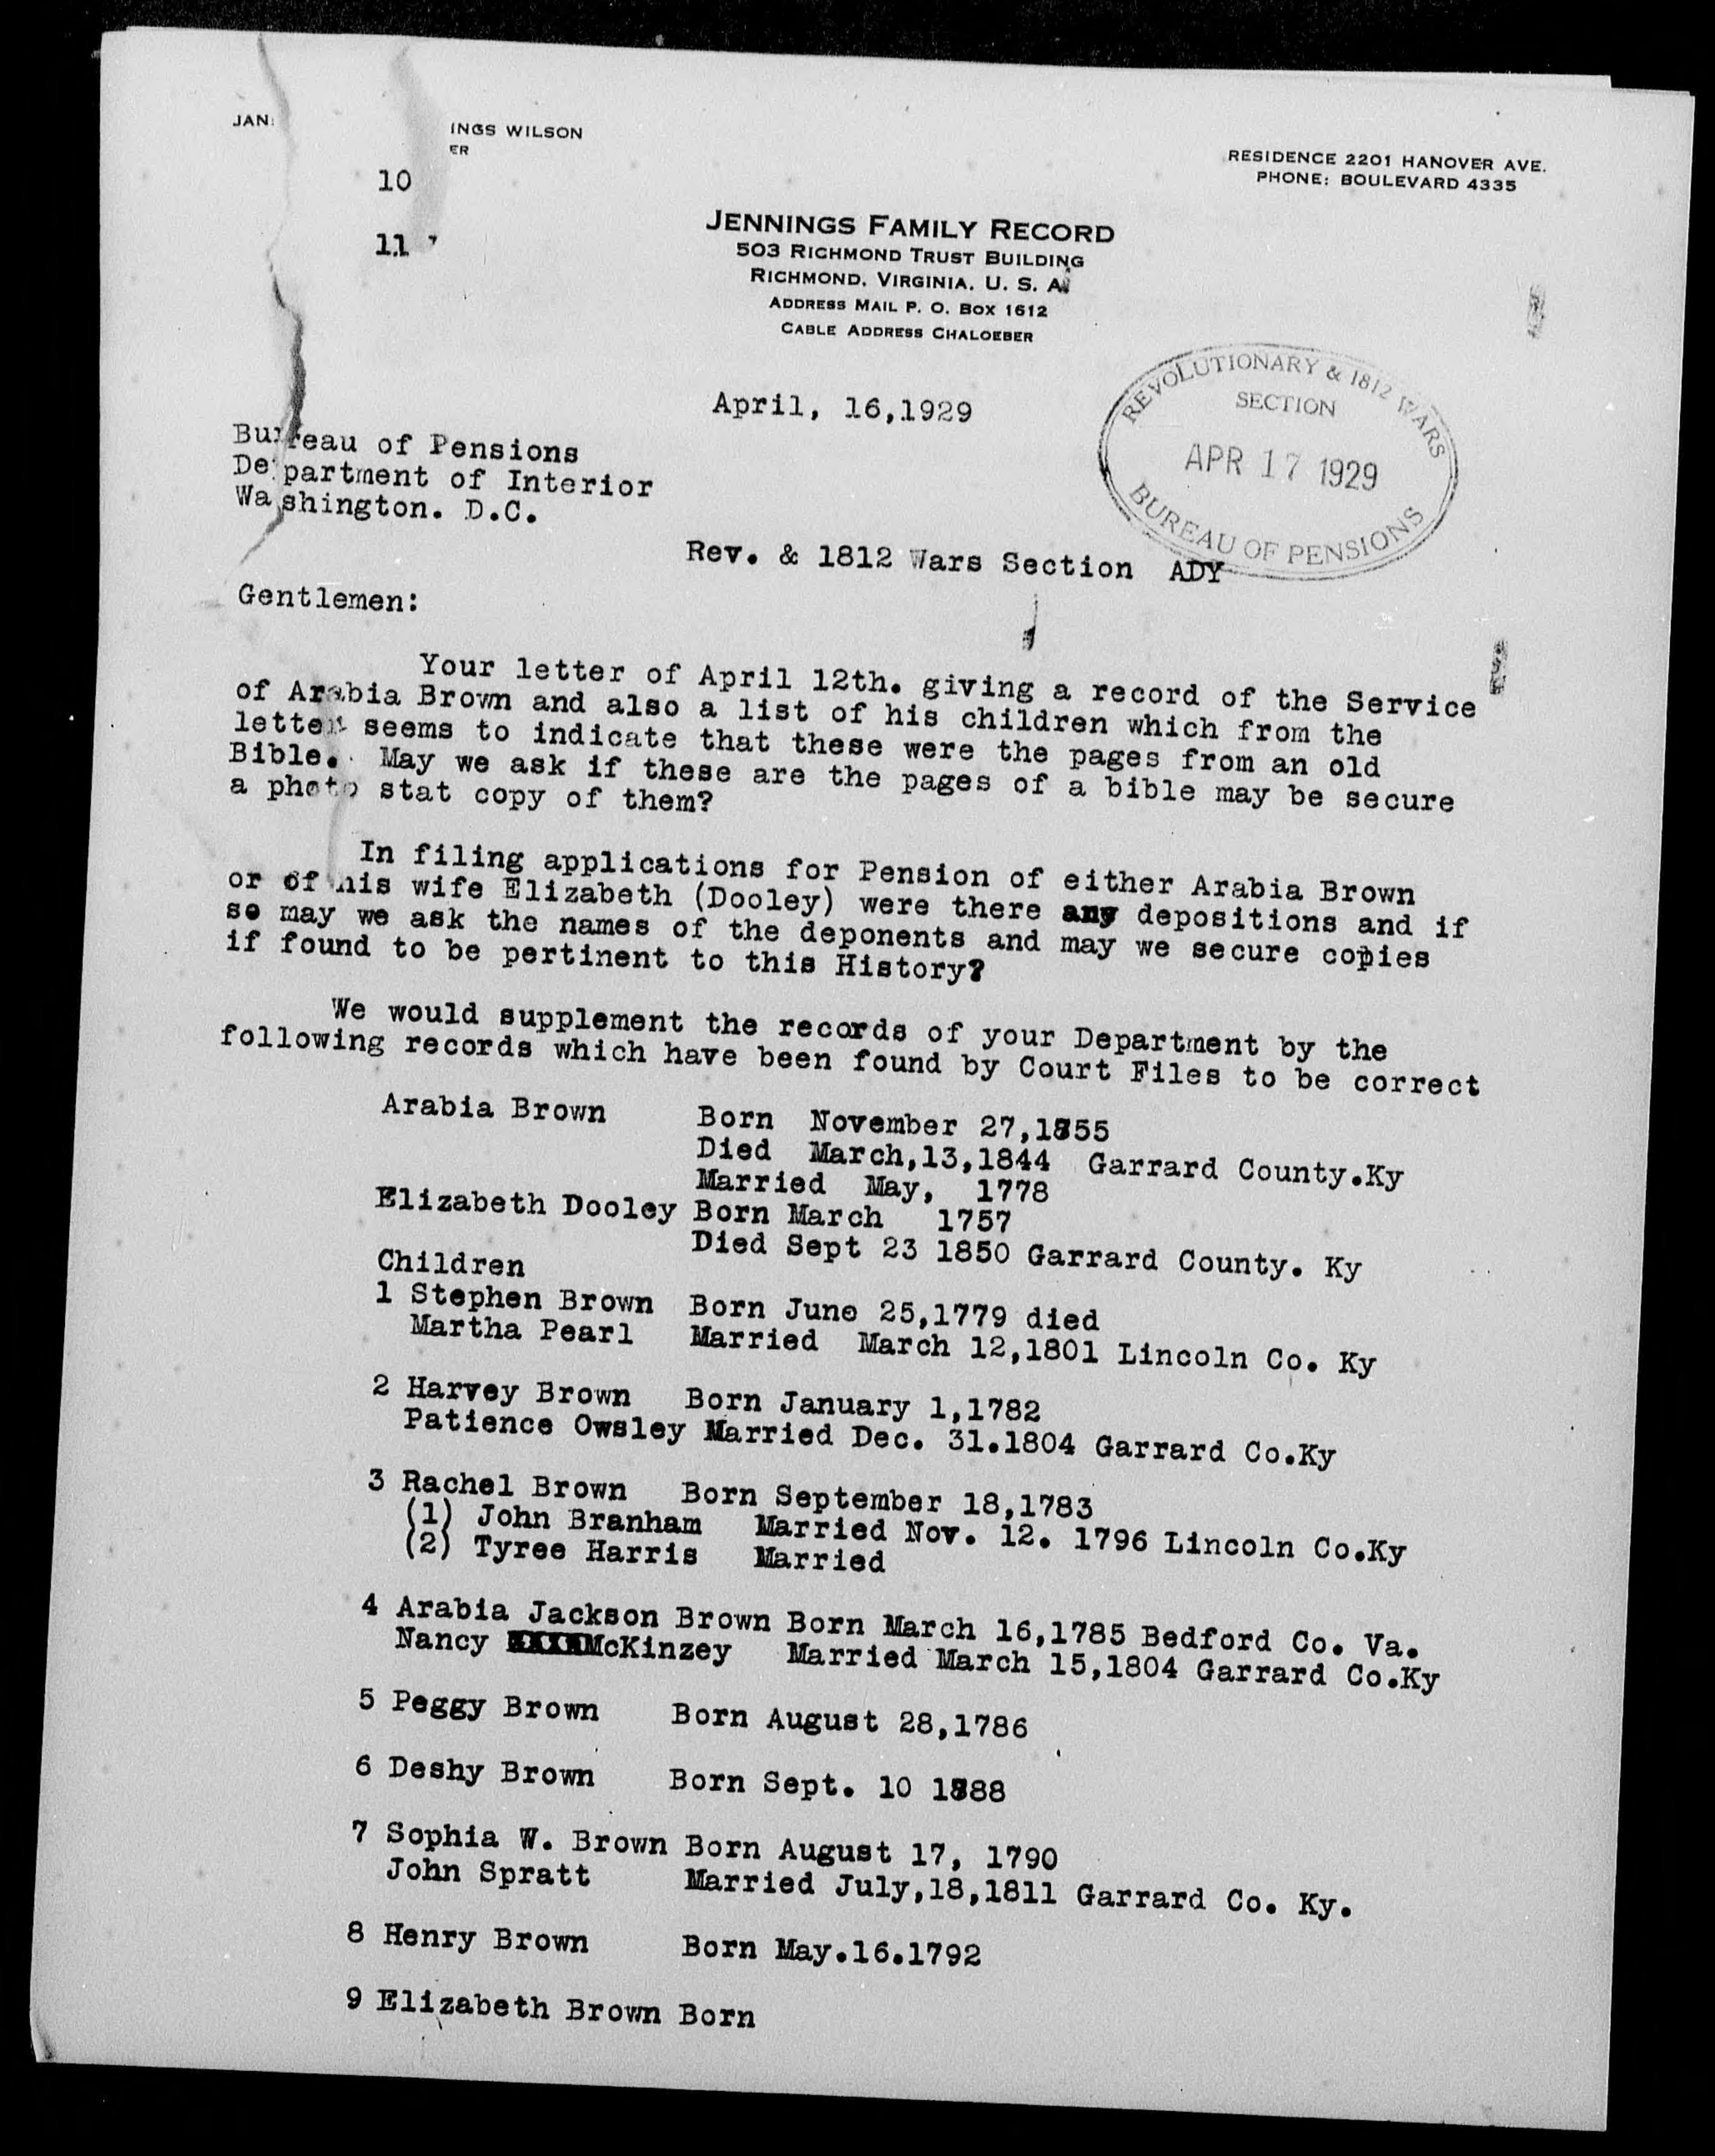Jan (illegible) ings Wilson
10
11
Residence 2201 Hanover Ave.
Phone: Boulevard 4335

Jennings Family Record
503 Richmond Trust Building
Richmond, VA. U.S.A
Address Mail P.O. Box 1612
Cable Address Chaloeber

April, 16, 1929

STAMP:
Revolutionary & 1812 Wars
Section
April 17 1929
Bureau of Pensions

Bureau of Pensions
Department of Interior
Washington. D. C.

Rev. & 1812 Wars Section    ADY

Gentlemen:
Your letter of April 12th. giving a record of the Service
of Arabia Brown and also a list of his children
which from the 
letter seems to indicate that these were the
pages from an old
Bible.  May we ask if these are the pages of a bible may be secure
a photo stat copy of them?

In filing applications for Pension of either Arabia Brown
or of his wife Elizabeth (Dooley) were there any depositions and if
so may we ask the names of the deponents and may we secure copies
if found to be pertinent to this History?

We would supplement the records of your
Department by the
following records which have been found by Court Files to be correct

Arabia Brown Born November 27, 1755
           Died March, 13, 1844 Garrard County Ky
            Married May,     1778

Elizabeth Dooley Born March       1757
             Died Sept 23 1850 Garrard County Ky

Children
1 Stephen Brown Born June 25, 1779 died
Martha Pearl Married March 12, 1801 Lincoln Co. Ky

2 Harvey Brown Born January 1, 1782
Patience Owsley Married Dec. 31. 1804 Garrard Co. Ky

3 Rachel Brown Born September 18, 1783
(1) John Branham Married Nov. 12, 1796 Lincoln Co. Ky
(2) Tyree Harris Married

4 Arabia Jackson Brown Born March 16, 1785
Bedford Co. Va.
Nancy McKinzey Married March 15, 1804 Garrard Co. Ky

5 Peggy Brown Born August 28, 1786

6 Deshy Brown Born Sept. 10 1788

7 Sophia W. Brown Born August 17, 1790
John Spratt Married July 18, 1811 Garrard Co. Ky

8 Henry Brown Born May. 16, 1792

9 Elizabeth Brown Born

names: Elizabeth Dooley, Sophia W Brown, Nancy Mc Kinzey, Patience Owsley, Arabia Brown, Henry Brown, John Branham, Arabia Jackson Brown, Wilson, Peggy Brown, Arabia Brown, Tyree Harris, Rachel Brown, Elizabeth Dooley, John Spratt, Harvey Brown, Arabia Brown, Deshy Brown, Stephen Brown, Martha Pearl, Elizabeth Brown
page: 34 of 65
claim: widow's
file: W. 8384, Arabia Brown, Va.